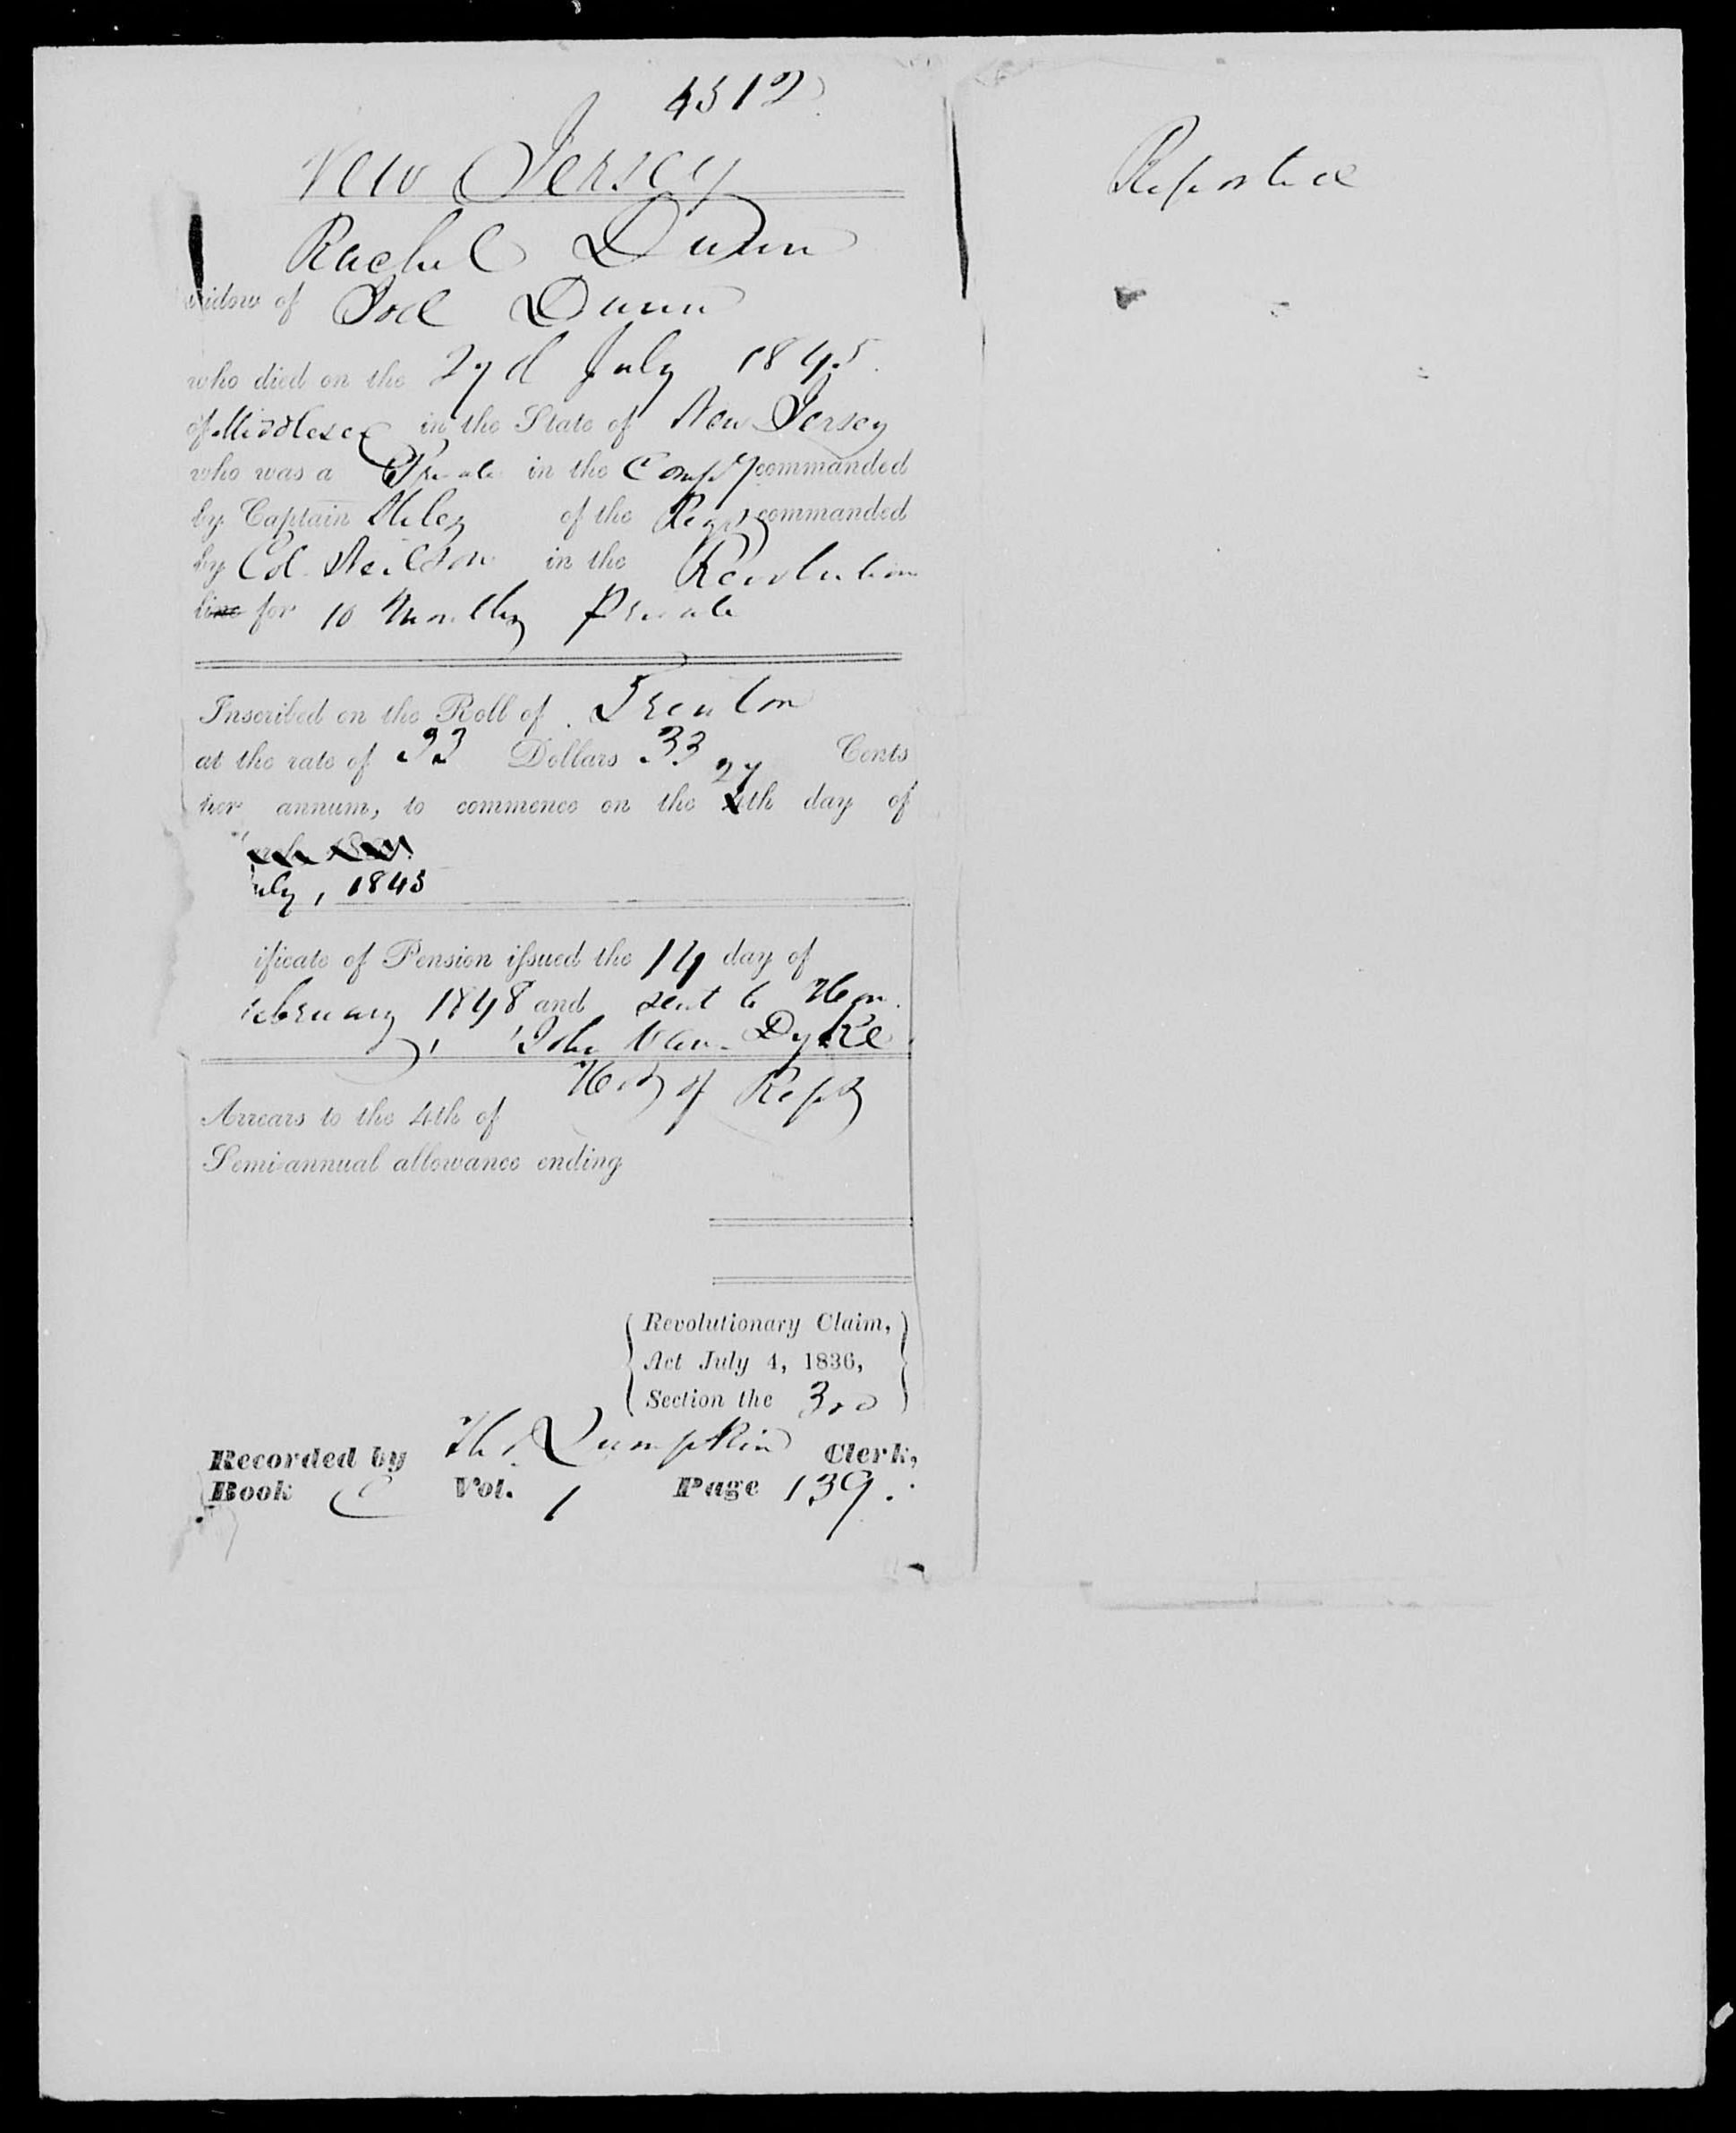4512
New Jersey  Reported
Rachel Dunn
widow of Joel Dunn
who died on the 27 of July 1845
of Middlesex in the State of New Jersey
who was a private in the Company
commanded by Captain Stiles
of the Reg commanded
by Col. Nelson in the
Revolution
for 10 months private

Inscribed on the Roll of Trenton
at the rate of 33 Dollars 33
Cents
per annum, to commence on the 24th day of
July, 1845
Certificate of Pension issued the 14 day of
February 1848 and sent to Hon 
John Van Dyke
[illegible] of Reps
Arrears to the 4th of
Semiannual allowance ending

Revolutionary Claim,}
Act July 4, 1836,}
Section the 3rd}
Recorded by
H Lumpkin Clerk,
Book C Vol. 1
Page 139.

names: Rachel Dunn, Thos Lumpkin, Joel Dunn, Stiles, Neilson, John Van Dyke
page: 24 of 52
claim: widow's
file: W. 919, Joel Dunn, New Jersey